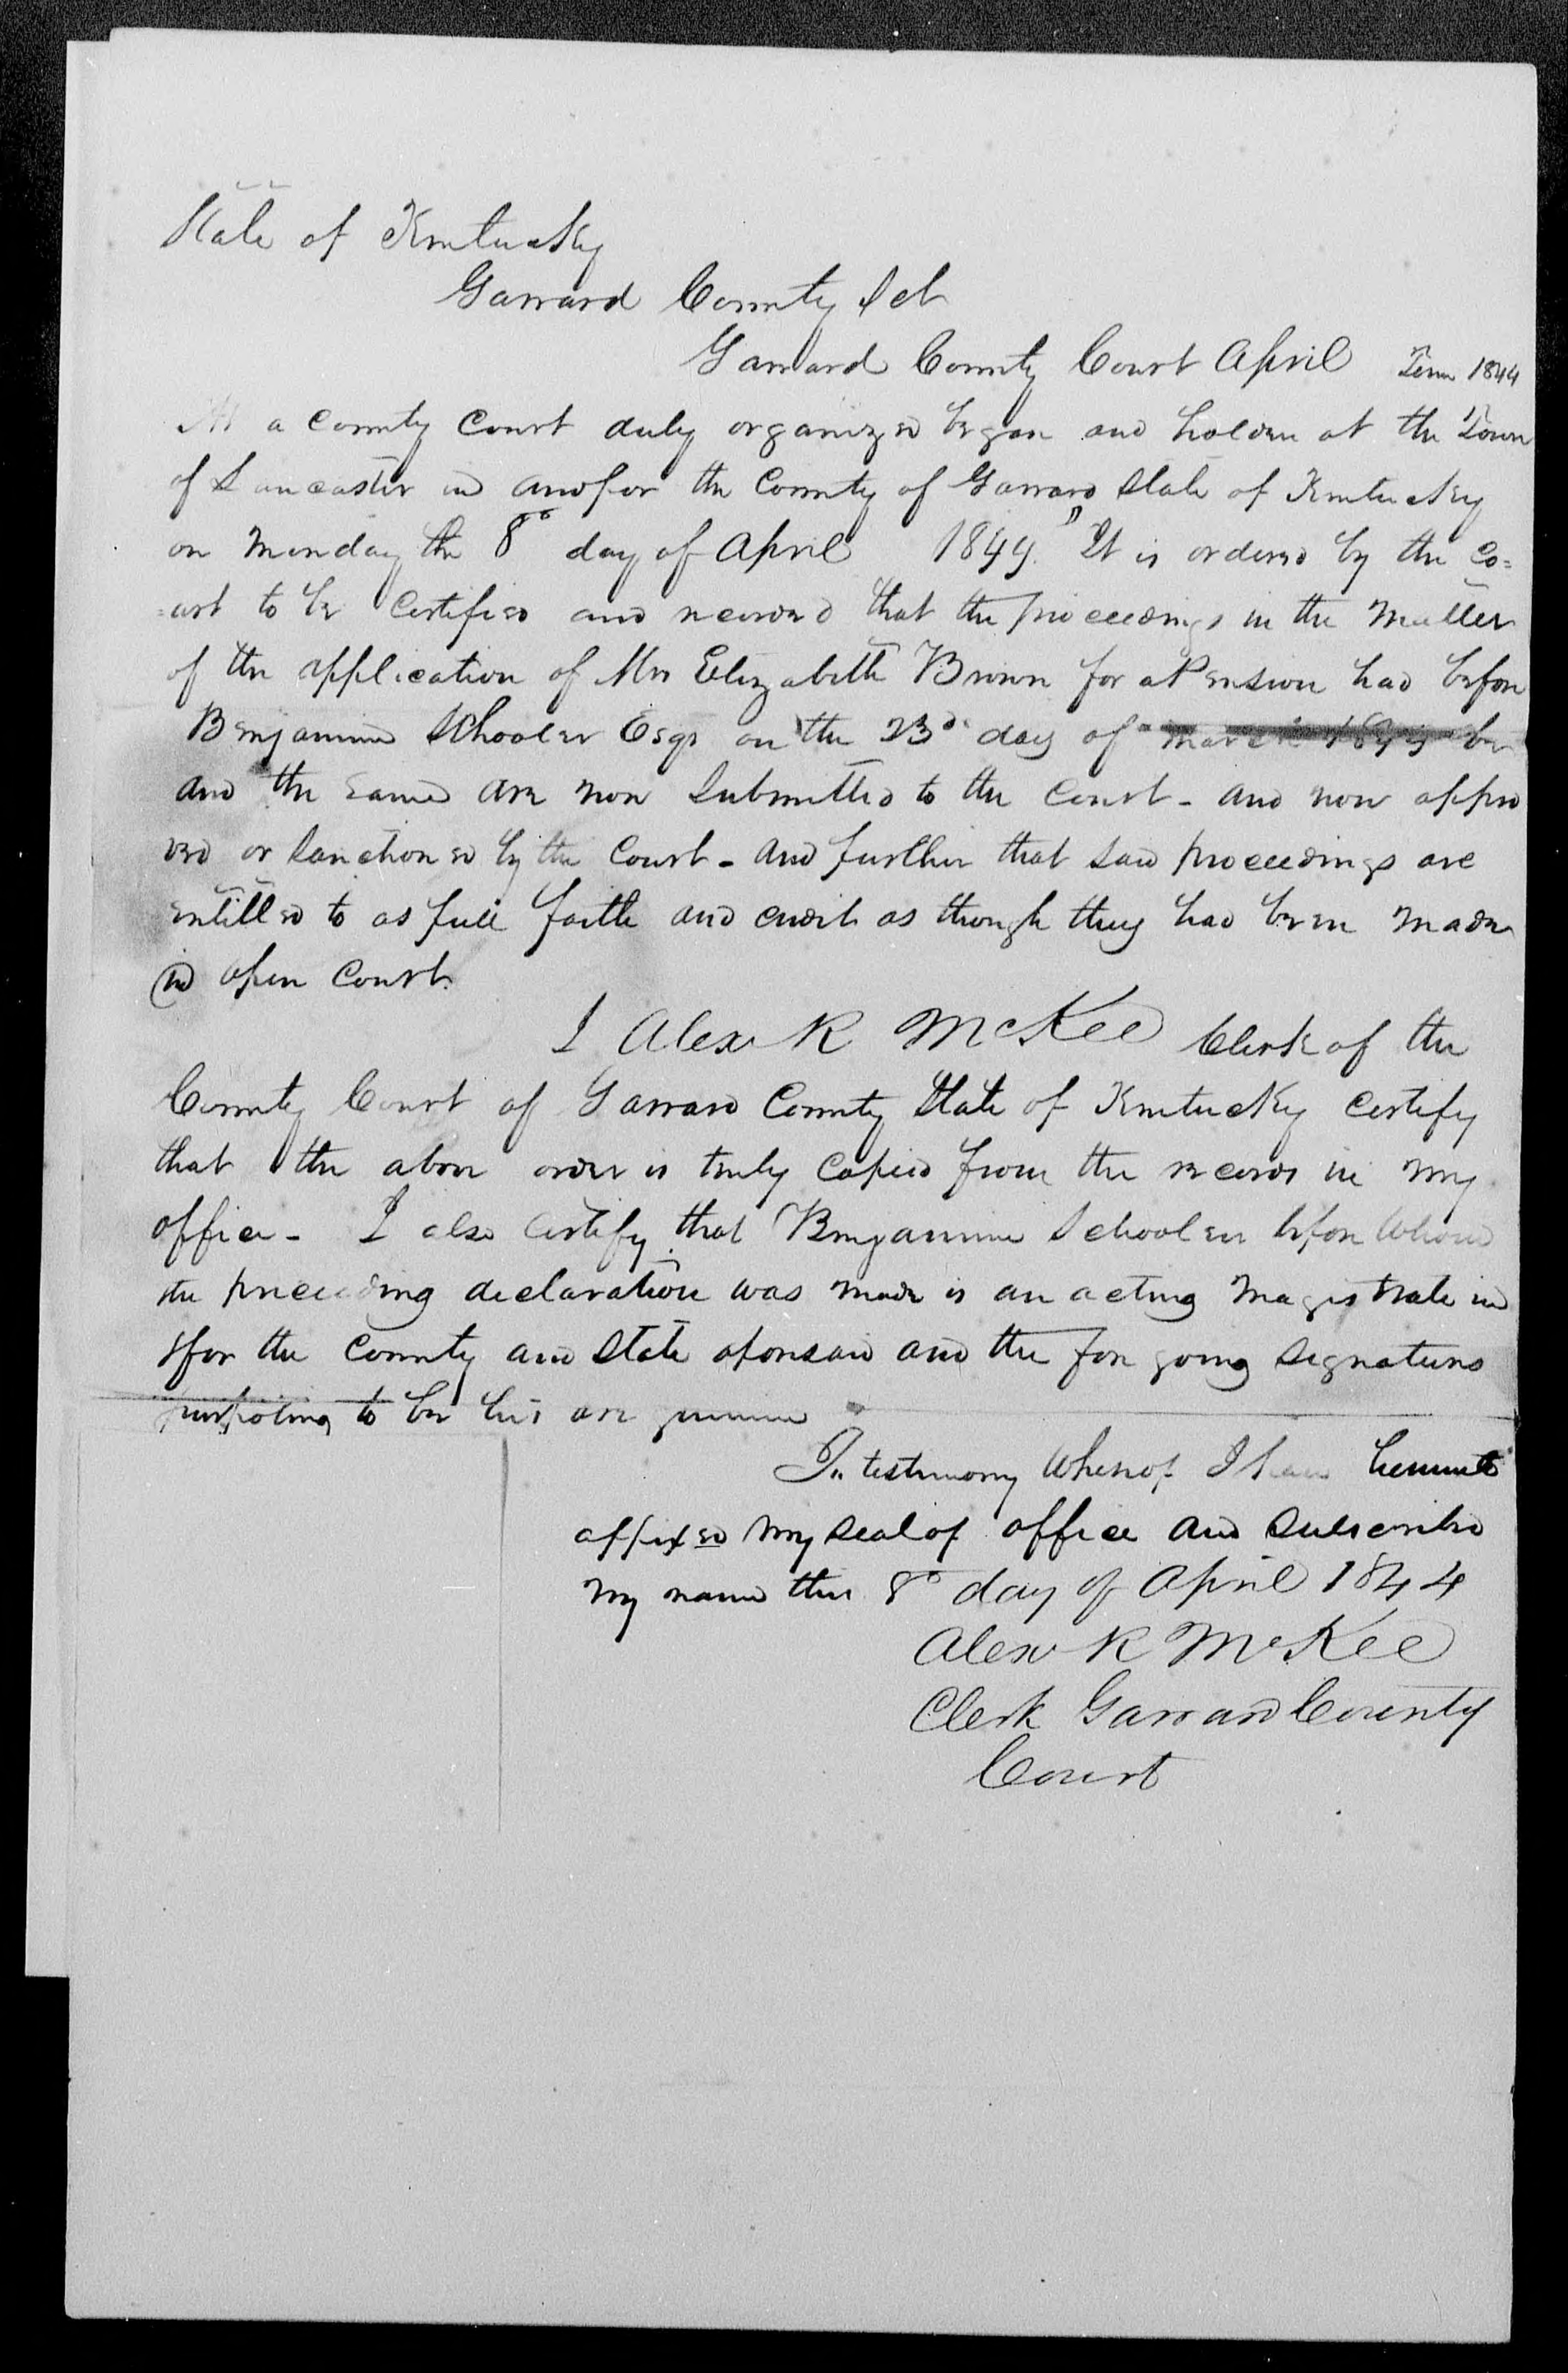State of Kentucky
Garrard County [illegible] 
Garrard County court April [tenth?] 1844
At a county court duly organized began in holden at the town of Lancaster in and for the county of Garrard State of Kentucky on Monday the 8th day of April 1844. It is ordered by the court to be certified and [illegible] that the proceedings in the matter of the application of the Elizabeth Brown for [illegible] had [illegible] Benjamin Schooler esqr on the 23rd day of March 1844 for and the [illegible] the same am now submitted to the court. And now [illegible] or the court. And further that saw proceedings are [illegible] so to as fullforth and [illegible] as though they had [illegible] court
I Alex R Mckee Clerk of the county court of Garrard county State of Kentucky that the above [illegible] is truly copied from the [illegible] in my office. I also certify that Benjamin Schooler [illegible] whom the proceeding declaration was made in an acting magistrate in [illegible] the county and state [illegible] and the forgoing signatures purporting to be his are [illegible]
In testimony whereof I have hereunto affixed my seal of office and [illegible] my name this 8th day of April 1844 Alex R Mckee Clerk Garrard county court.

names: Benjamin Schoolen, Alexr R Mc Kee, Elizabeth Brown, Benjamin Schooler, Alexr R Mc Kee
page: 13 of 65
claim: widow's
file: W. 8384, Arabia Brown, Va.